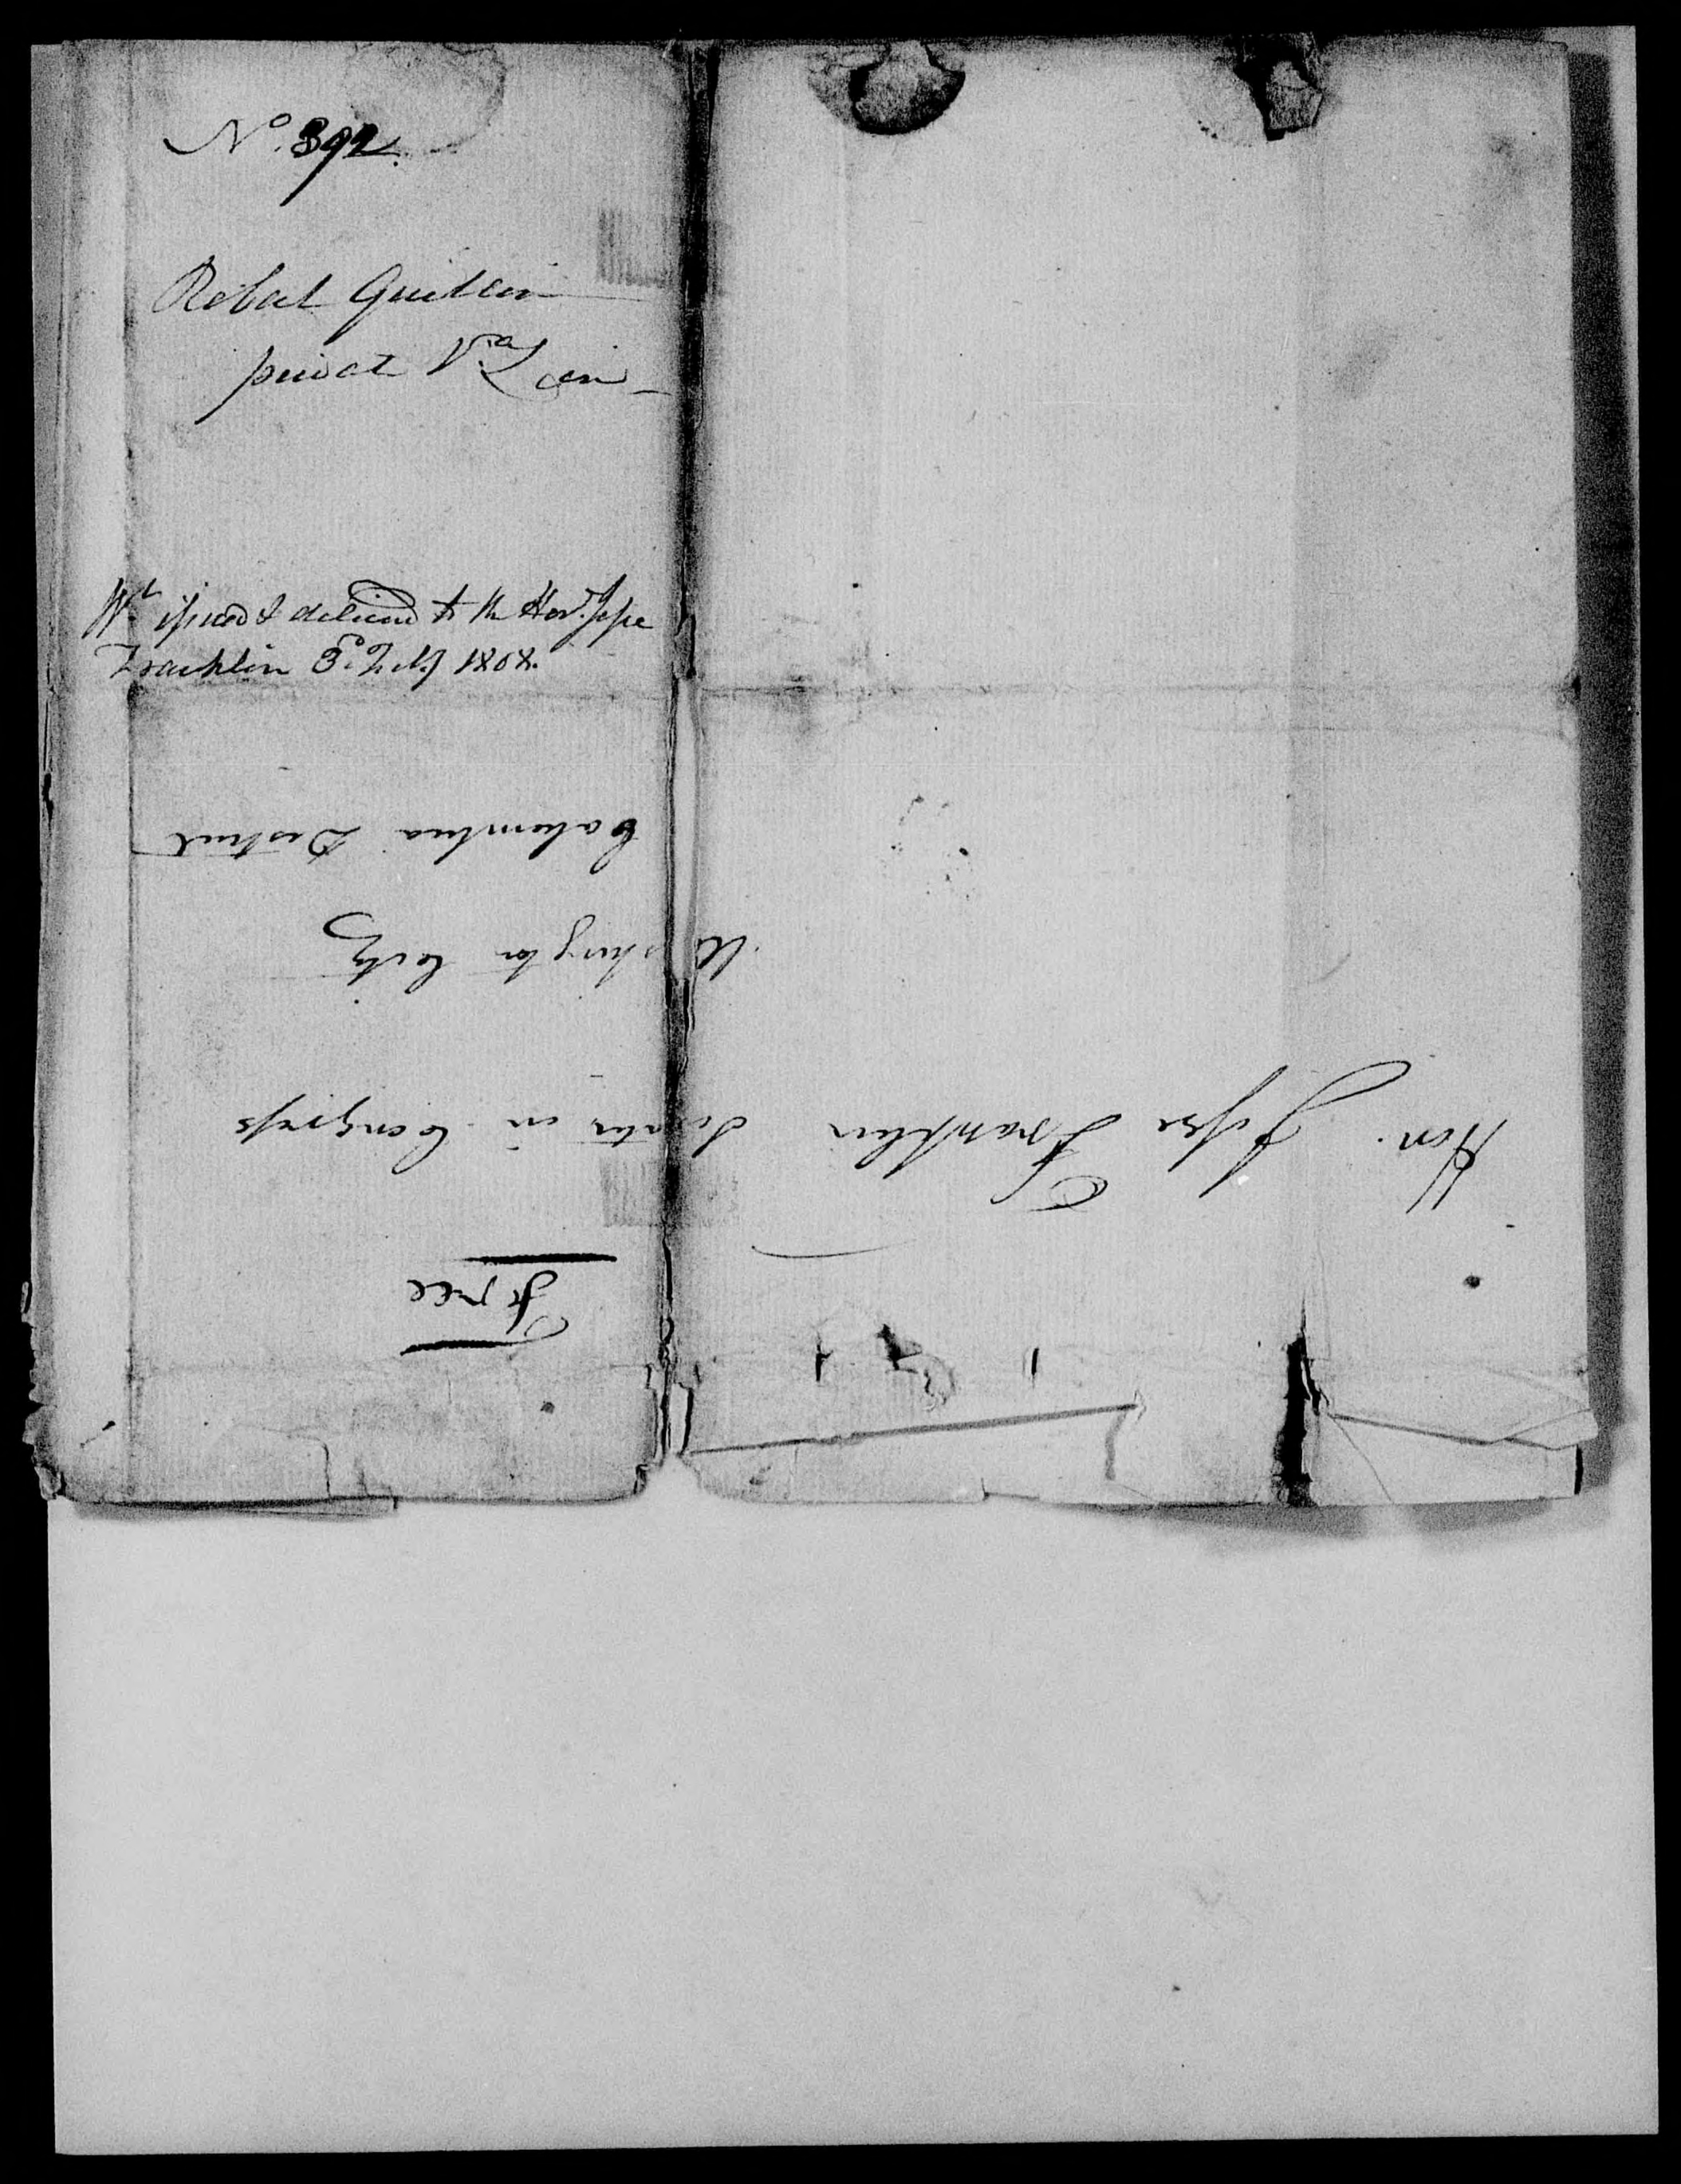No. 392

Robert Quillen
private Va Line

[Illegible] issued & [illegible] to the Honr Jake Franklin 3d. of M 1808

Free 
Senate in Congress
Washington City
Columbia District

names: Jasse Franklin; Robert Quillin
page: 8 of 12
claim: bounty land warrant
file: B. L. Wt. 392-100, for Robert Quillin, Virginia